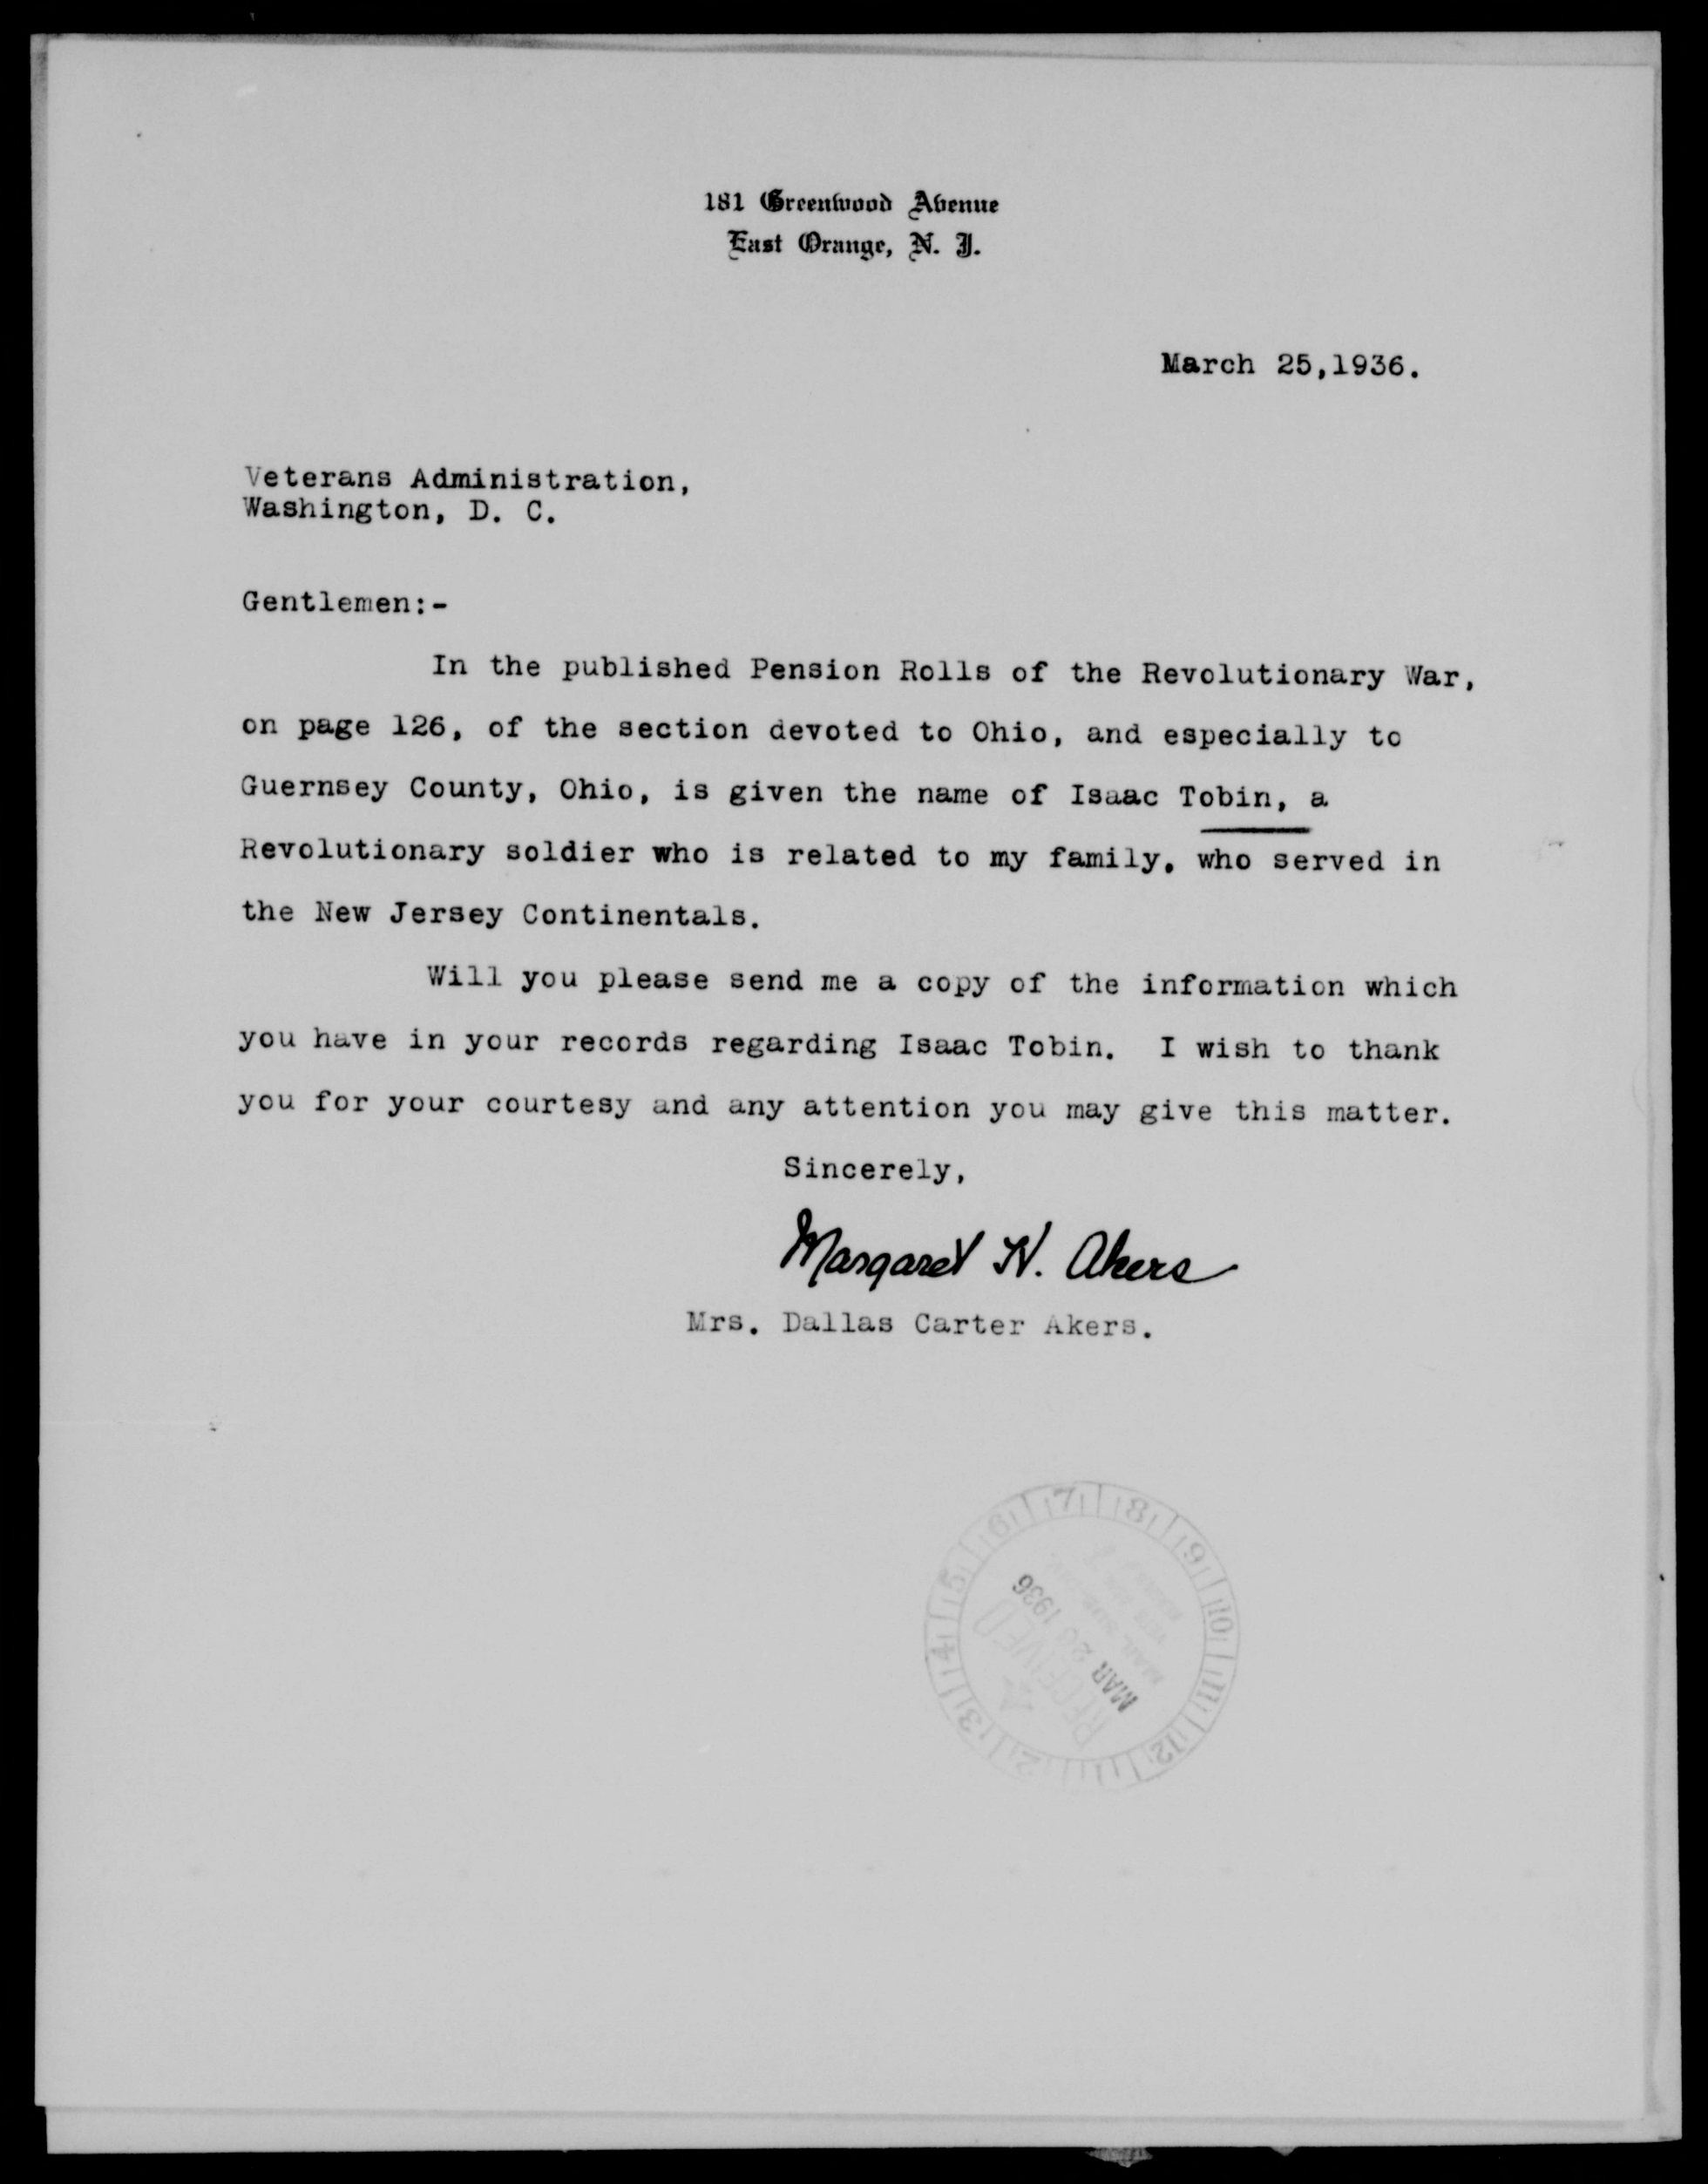181 Greenwood Avenue
East Orange, N.J.
March 25, 1936.
Veterans Administration, Washington, D.C.
Gentlemen:-
In the published Pension Rolls of the Revolutionary War, on page 126, of the section devoted to Ohio, and especially to Guernsey County, Ohio, is given the name of Isaac Tobin, a Revolutionary soldier who is related to my family, who served in the New Jersey Continentals.
Will you please send me a copy of the information which you have in your records regarding Isaac Tobin. I wish to thank you for your courtesy and any attention you may give this matter.
Sincerely, 
Margaret H. Akers
Mrs. Dallas Carter Akers.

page: 15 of 25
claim: survivor's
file: S. 6258, for Isaac Tobin, New Jersey